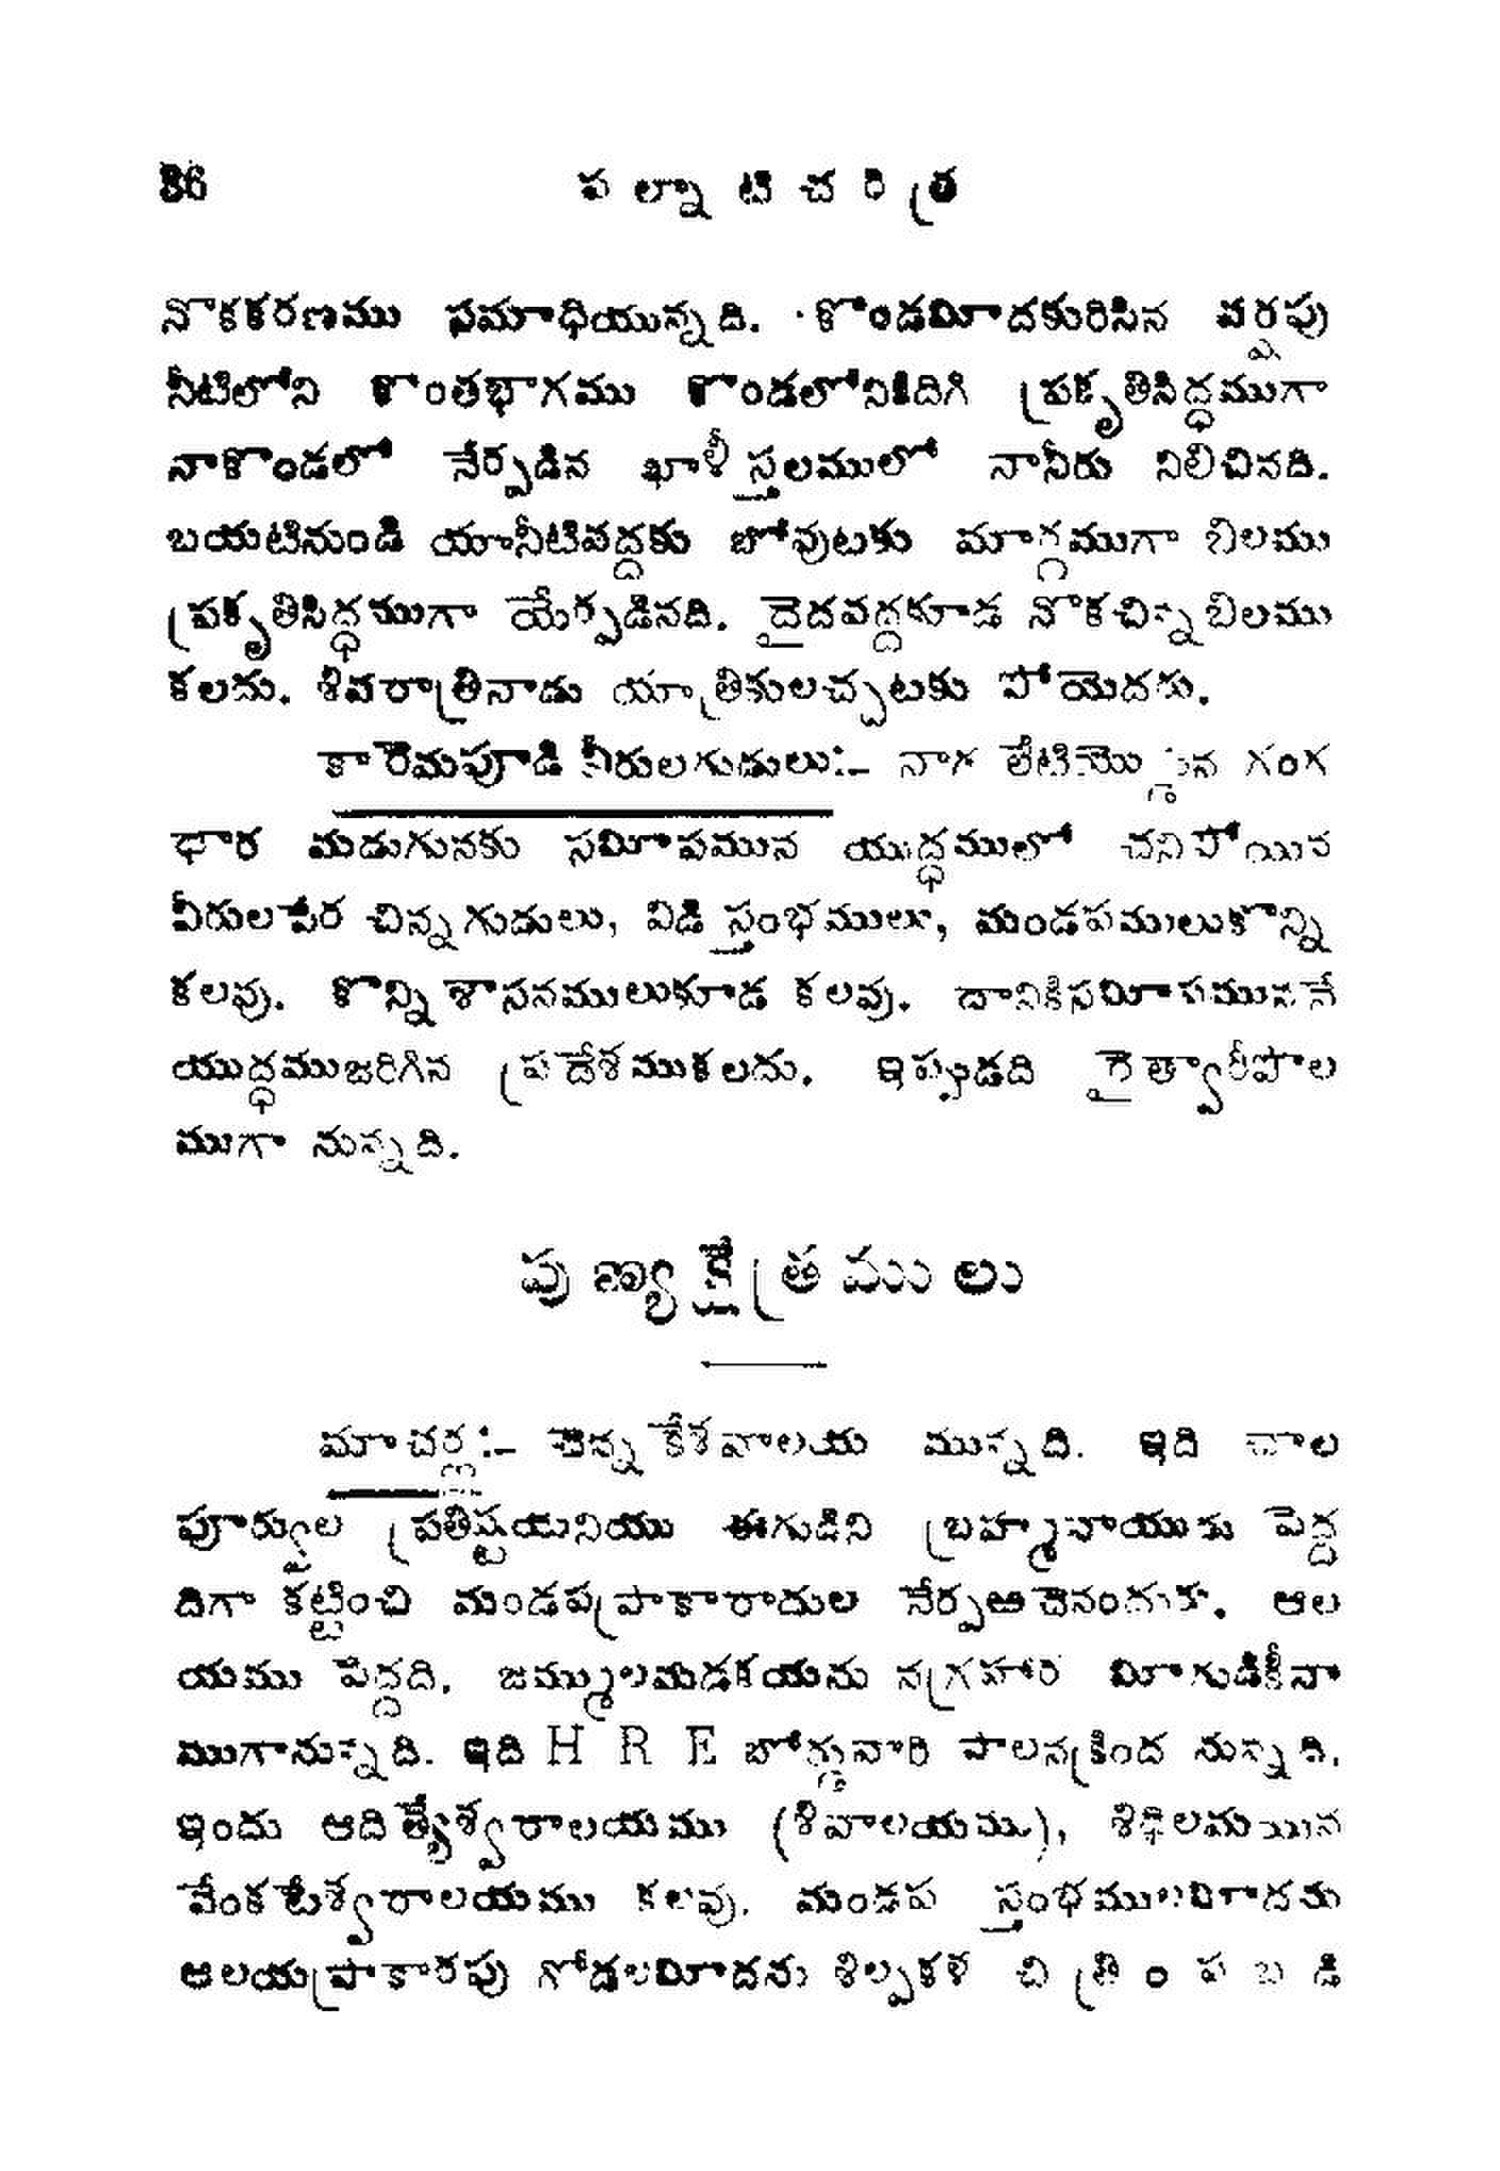నొకకరణము సమాధియున్నది. కొండమీదకురిసిన వర్షపు
నీటిలోని కొంతభాగము కొండలోనికిదిగి ప్రకృతిసిద్ధముగా
నాకొండలో నేర్పడిన ఖాళీ స్థలములో నానీరు నిలిచినది.
బయటినుండి యానీటివద్దకు బోవుటకు మార్గముగా బిలము
పకృతిసిద్ధముగా యేర్పడినది. దైదవద్దకూడ నొక చిన్న బిలము
కలదు. శివరాత్రినాడు యాత్రికులచ్చటకు పోయెదరు.

కారెమపూడి వీరులగుడులు:- నాగలేటియొడ్డున గంగధార 
మడుగునకు సమీపమున యుద్ధములో చనిపోయిన
వీరుల పేర చిన్న గుడులు, విడి స్తంభములు, మండపములు కొన్ని
కలవు. కొన్ని శాసనములుకూడ కలవు. దానికి సమీపముననే
యుద్ధము జరిగిన ప్రదేశముకలదు. ఇప్పుడది రైత్వారీపొలముగా నున్నది.

మాచర్ల:- చెన్న కేశవాలయమున్నది. ఇది చాల
పూర్వుల ప్రతిష్టయనియు ఈగుడిని బ్రహ్మనాయుడు పెద్దదిగా 
కట్టించి మండపప్రాకారాదులు నేర్పఱచెనందురు. ఆలయము 
పెద్దది, జమ్ములమడకయను నగ్రహార మీగుడికీనాముగానున్నది. 
ఇది H R E బోర్డు వారి పాలన క్రింద నున్నది.
ఇందు ఆదిత్యేశ్వరాలయము (శివాలయము), శిథిలమయిన
వేంకటేశ్వరాలయము కలవు. మండప స్తంభములమీ దను
ఆలయప్రాకారపు గోడలమీదను శిల్పకళ చిత్రింపబడి